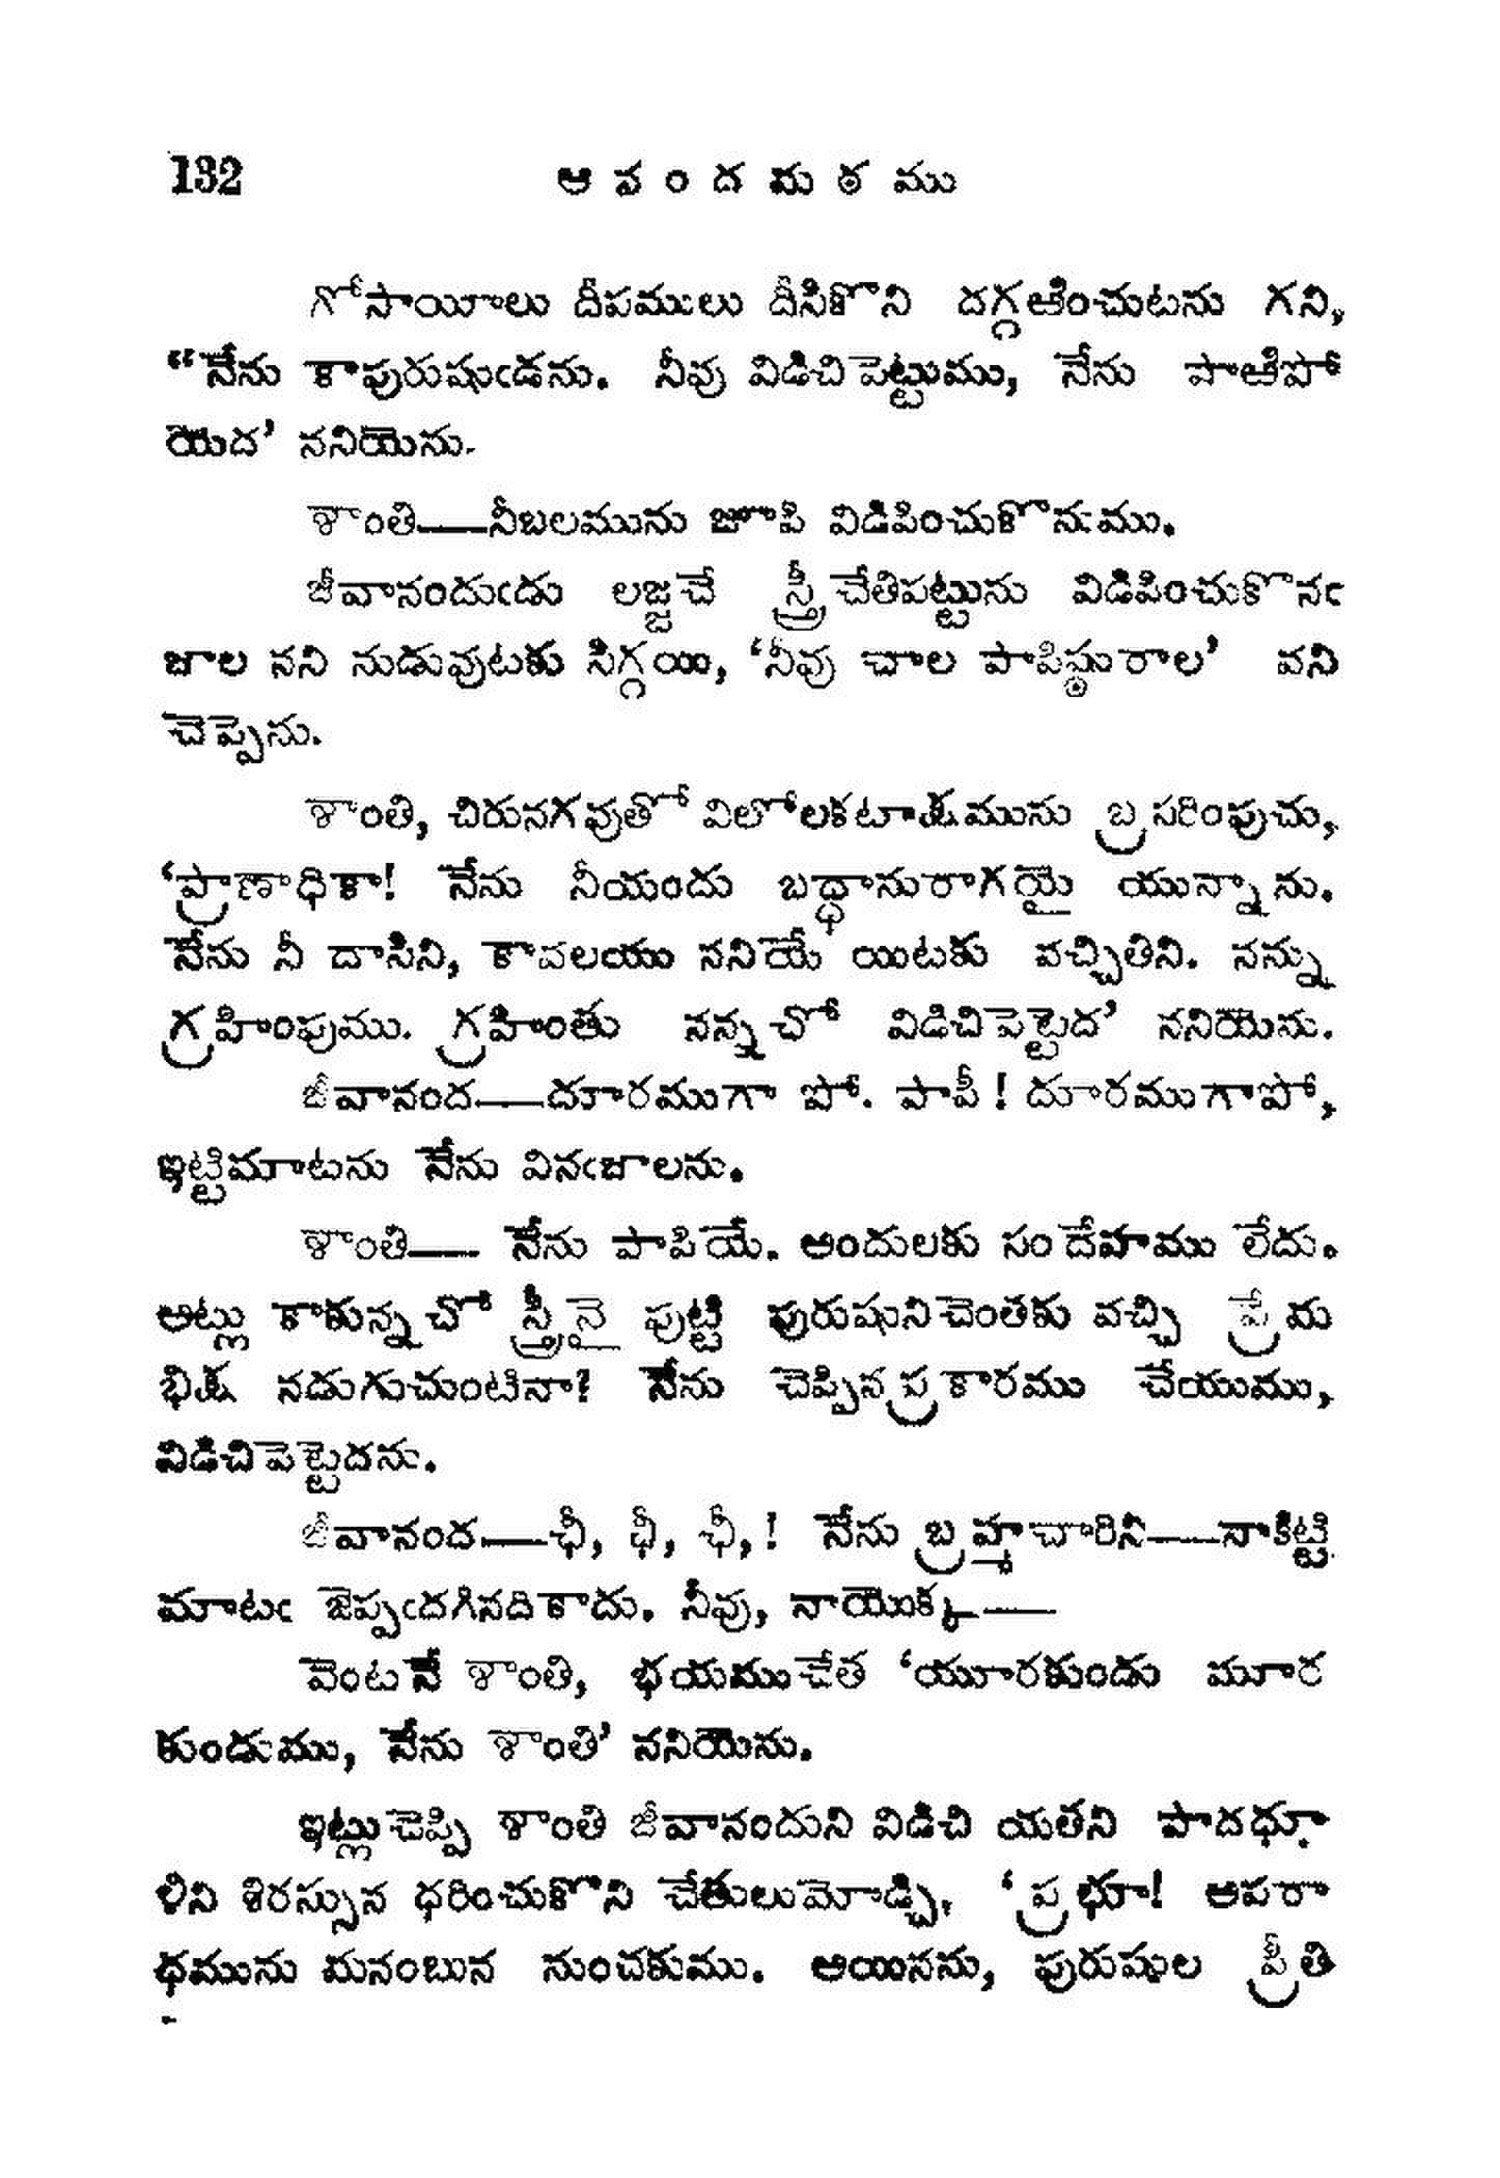గోసాయీలు దీపములు దీసికొని దగ్గఱించుటను గని,"నేను కాపురుషుఁడను. నీవు విడిచి పెట్టుము, 'నేను పాఱిపోయద' ననియెను.

శాంతి—నీ బలమును జూపి విడిపించుకొనుము.

జీవానందుఁడు లజ్జచే స్త్రీ చేతిపట్టును విడిపించుకొనఁజాల నని నుడువుటకు సిగ్గయి, 'నీవు చాల పాపిష్ఠురాల' వని
చెప్పెను.

శాంతి, చిరునగవుతో విలోలకటాక్షమును బ్రసరింపుచు,'ప్రాణాధికా! 'నేను నీయందు బద్ధాను రాగయై యున్నాను,నేను నీ దాసిని, కావలయు ననియే యిటకు వచ్చితిని. నన్ను గ్రహింపుము. గ్రహింతు నన్న చో విడిచి పెట్టెద ననియెను.

జీవానంద—— దూరముగా పో. పాపీ ! దూరముగాపో, ఇట్టిమాటను నేను వినఁజాలను.

శాంతి——నేను పాపియే. అందులకు సందేహము లేదు. అట్లు కాకున్నచో స్త్రీనై పుట్టి పురుషుని చెంతకు వచ్చి ప్రేమ
భిక్షు నడుగుచుంటినా? నేను చెప్పిన ప్రకారము చేయుము, విడిచి పెట్టెదను.

జీవానంద—— ఛీ, ఛీ, ఛీ, ! నేను బ్రహ్మచారిని—— నాకిట్టి మాటఁ జెప్పఁదగినది కాదు. నీవు, నాయొక్క——

వెంటనే శాంతి, భయముచేత 'యూరకుండు మూర కుండుము, నేను శాంతి' ననియెను.

ఇట్లు చెప్పి శాంతి జీవానందుని విడిచి యతని పాదధూళిని శిరస్సున ధరించుకొని చేతులు మోడ్చి, 'ప్రభూ! అపరాథమును మనంబున నుంచకుము. అయినను, పురుషుల ప్రీతి